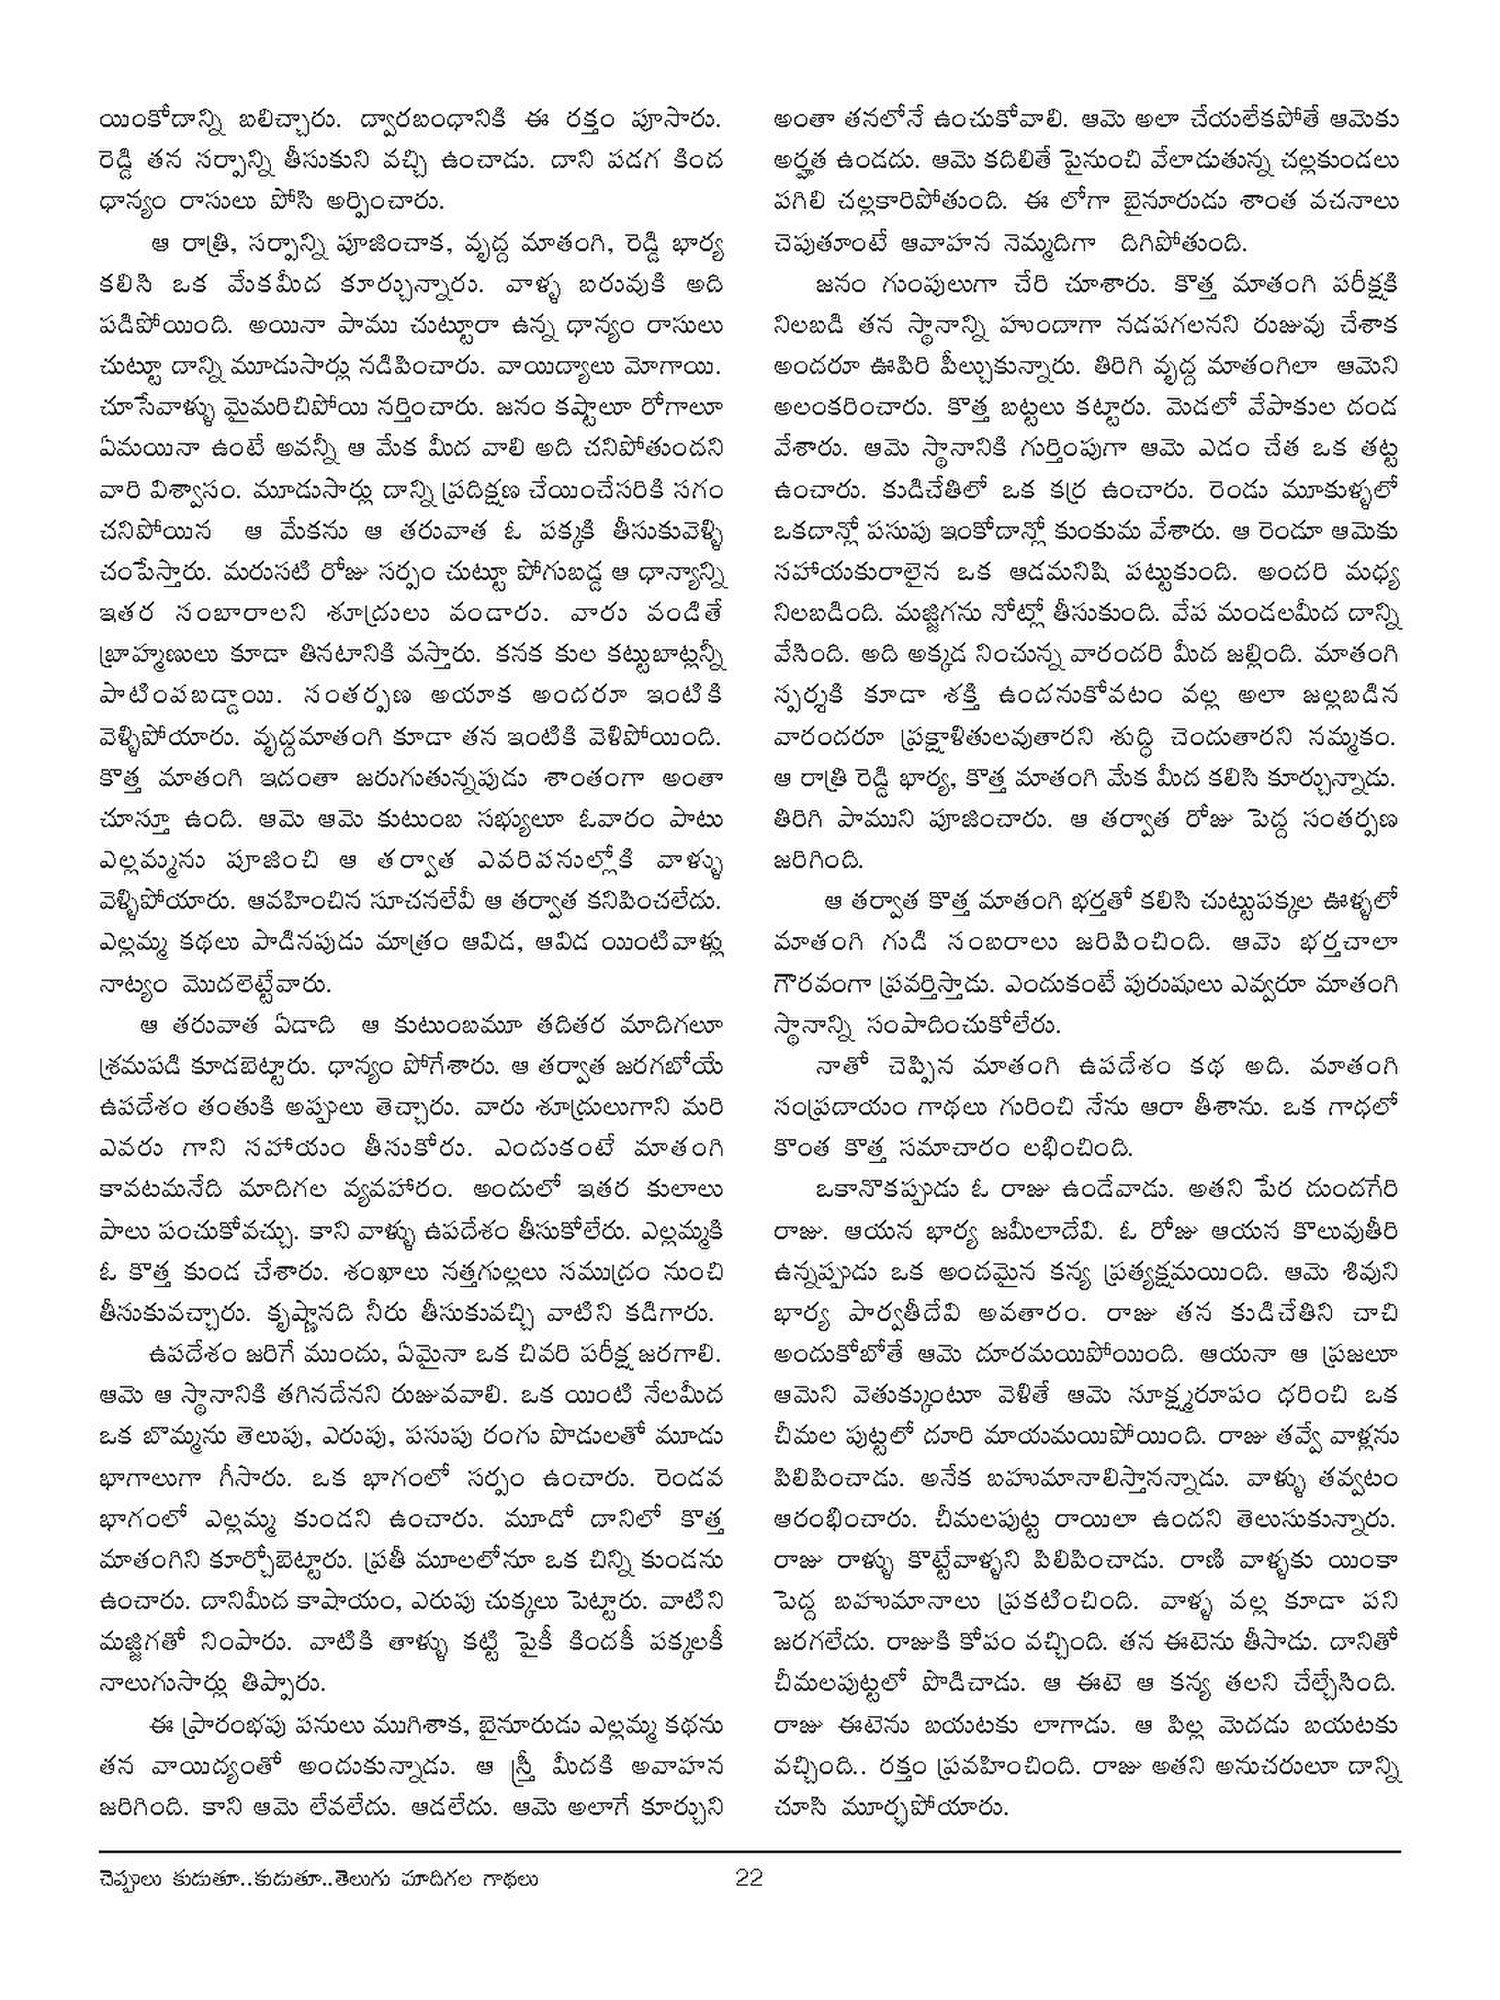యింకోదాన్ని బలిచ్చారు. ద్వారబంధానికి ఈ రక్తం పూసారు.
రెడ్డి తన సర్పాన్ని తీసుకుని వచ్చి ఉంచాడు. దాని పడగ కింద
ధాన్యం రాసులు పోసి అర్పించారు.

ఆ రాత్రి, సర్పాన్ని పూజించాక, వృద్ధ మాతంగి, రెడ్డి భార్య
కలిసి ఒక మేకమీద కూర్చున్నారు. వాళ్ళ బరువుకి అది
పడిపోయింది. అయినా పాము చుట్టూరా ఉన్న ధాన్యం రాసులు
చుట్టూ దాన్ని మూడుసార్లు నడిపించారు. వాయిద్యాలు మోగాయి.
చూసేవాళ్ళు మైమరిచిపోయి నర్తించారు. జనం కష్టాలూ రోగాలూ
ఏమయినా ఉంటే అవన్నీ ఆ మేక మీద వాలి అది చనిపోతుందని
వారి విశ్వాసం. మూడుసార్లు దాన్ని ప్రదిక్షణ చేయించేసరికి సగం
చనిపోయిన ఆ మేకను ఆ తరువాత ఓ పక్కకి తీసుకువెళ్ళి
చంపేస్తారు. మరుసటి రోజు సర్పం చుట్టూ పోగుబడ్డ ఆ ధాన్యాన్ని
ఇతర సంబారాలని శూద్రులు వండారు. వారు వండితే
బ్రాహ్మణులు కూడా తినటానికి వస్తారు. కనక కుల కట్టుబాట్లన్నీ
పాటింపబడ్డాయి. సంతర్పణ అయాక అందరూ ఇంటికి
వెళ్ళిపోయారు. వృద్ధమాతంగి కూడా తన ఇంటికి వెళిపోయింది.
కొత్త మాతంగి ఇదంతా జరుగుతున్నపుడు శాంతంగా అంతా
చూస్తూ ఉంది. ఆమె ఆమె కుటుంబ సభ్యులూ ఓవారం పాటు
ఎల్లమ్మను పూజించి ఆ తర్వాత ఎవరిపనుల్లోకి వాళ్ళు
వెళ్ళిపోయారు. ఆవహించిన సూచనలేవీ ఆ తర్వాత కనిపించలేదు.
ఎల్లమ్మ కథలు పాడినపుడు మాత్రం ఆవిడ, ఆవిడ యింటివాళ్లు
నాట్యం మొదలెట్టేవారు.

ఆ తరువాత ఏడాది ఆ కుటుంబమూ తదితర మాదిగలూ
శ్రమపడి కూడబెట్టారు. ధాన్యం పోగేశారు. ఆ తర్వాత జరగబోయే
ఉపదేశం తంతుకి అప్పులు తెచ్చారు. వారు శూద్రులుగాని మరి
ఎవరు గాని సహాయం తీసుకోరు. ఎందుకంటే మాతంగి
కావటమనేది మాదిగల వ్యవహారం. అందులో ఇతర కులాలు
పాలు పంచుకోవచ్చు. కాని వాళ్ళు ఉపదేశం తీసుకోలేరు. ఎల్లమ్మకి
ఓ కొత్త కుండ చేశారు. శంఖాలు నత్తగుల్లలు సముద్రం నుంచి
తీసుకువచ్చారు. కృష్ణానది నీరు తీసుకువచ్చి వాటిని కడిగారు.

ఉపదేశం జరిగే ముందు, ఏమైనా ఒక చివరి పరీక్ష జరగాలి.
ఆమె ఆ స్థానానికి తగినదేనని రుజువవాలి. ఒక యింటి నేలమీద
ఒక బొమ్మను తెలుపు, ఎరుపు, పసుపు రంగు పొడులతో మూడు
భాగాలుగా గీసారు. ఒక భాగంలో సర్పం ఉంచారు. రెండవ
భాగంలో ఎల్లమ్మ కుండని ఉంచారు. మూడో దానిలో కొత్త
మాతంగిని కూర్చోబెట్టారు. ప్రతీ మూలలోనూ ఒక చిన్ని కుండను
ఉంచారు. దానిమీద కాషాయం, ఎరుపు చుక్కలు పెట్టారు. వాటిని
మజ్జిగతో నింపారు. వాటికి తాళ్ళు కట్టి పైకీ కిందకీ పక్కలకీ
నాలుగుసార్లు తిప్పారు.

ఈ ప్రారంభపు పనులు ముగిశాక, జైనూరుడు ఎల్లమ్మ కథను
తన వాయిద్యంతో అందుకున్నాడు. స్త్రీ మీదకి అవాహన
జరిగింది. కాని ఆమె లేవలేదు. ఆడలేదు. ఆమె అలాగే కూర్చుని
అంతా తనలోనే ఉంచుకోవాలి. ఆమె అలా చేయలేకపోతే ఆమెకు
అర్హత ఉండదు. ఆమె కదిలితే పైనుంచి వేలాడుతున్న చల్లకుండలు
పగిలి చల్లకారిపోతుంది. ఈ లోగా జైనూరుడు శాంత వచనాలు
చెపుతూంటే ఆవాహన నెమ్మదిగా దిగిపోతుంది.

జనం గుంపులుగా చేరి చూశారు. కొత్త మాతంగి పరీక్షకి
నిలబడి తన స్థానాన్ని హుందాగా నడపగలనని రుజువు చేశాక
అందరూ ఊపిరి పీల్చుకున్నారు. తిరిగి వృద్ధ మాతంగిలా ఆమెని
అలంకరించారు. కొత్త బట్టలు కట్టారు. మెడలో వేపాకుల దండ
వేశారు. ఆమె స్థానానికి గుర్తింపుగా ఆమె ఎడం చేత ఒక తట్ట
ఉంచారు. కుడిచేతిలో ఒక కర్ర ఉంచారు. రెండు మూకుళ్ళలో
ఒకదాన్లో పసుపు ఇంకోదాన్లో కుంకుమ వేశారు. ఆ రెండూ ఆమెకు
సహాయకురాలైన ఒక ఆడమనిషి పట్టుకుంది. అందరి మధ్య
నిలబడింది. మజ్జిగను నోట్లో తీసుకుంది. వేప మండలమీద దాన్ని
వేసింది. అది అక్కడ నించున్న వారందరి మీద జల్లింది. మాతంగి
స్పర్శకి కూడా శక్తి ఉందనుకోవటం వల్ల అలా జల్లబడిన
వారందరూ ప్రక్షాళితులవుతారని శుద్ధి చెందుతారని నమ్మకం.
ఆ రాత్రి రెడ్డి భార్య, కొత్త మాతంగి మేక మీద కలిసి కూర్చున్నాడు.
తిరిగి పాముని పూజించారు. ఆ తర్వాత రోజు పెద్ద సంతర్పణ
జరిగింది.

ఆ తర్వాత కొత్త మాతంగి భర్తతో కలిసి చుట్టుపక్కల ఊళ్ళలో
మాతంగి గుడి సంబరాలు జరిపించింది. ఆమె భర్తచాలా
గౌరవంగా ప్రవర్తిస్తాడు. ఎందుకంటే పురుషులు ఎవ్వరూ మాతంగి
స్థానాన్ని సంపాదించుకోలేరు.

నాతో చెప్పిన మాతంగి ఉపదేశం కథ అది. మాతంగి
సంప్రదాయం గాథలు గురించి నేను ఆరా తీశాను. ఒక గాధలో
కొంత కొత్త సమాచారం లభించింది.

ఒకానొకప్పుడు ఓ రాజు ఉండేవాడు. అతని పేర దుందగేరి
రాజు. ఆయన భార్య జమీలాదేవి. ఓ రోజు ఆయన కొలువుతీరి
ఉన్నప్పుడు ఒక అందమైన కన్య ప్రత్యక్షమయింది. ఆమె శివుని
భార్య పార్వతీదేవి అవతారం. రాజు తన కుడిచేతిని చాచి
అందుకోబోతే ఆమె దూరమయిపోయింది. ఆయనా ఆ ప్రజలూ
ఆమెని వెతుక్కుంటూ వెళితే ఆమె సూక్ష్మరూపం ధరించి ఒక
చీమల పుట్టలో దూరి మాయమయిపోయింది. రాజు తవ్వే వాళ్లను
పిలిపించాడు. అనేక బహుమానాలిస్తానన్నాడు. వాళ్ళు తవ్వటం
ఆరంభించారు. చీమలపుట్ట రాయిలా ఉందని తెలుసుకున్నారు.
రాజు రాళ్ళు కొట్టేవాళ్ళని పిలిపించాడు. రాణి వాళ్ళకు యింకా
పెద్ద బహుమానాలు ప్రకటించింది. వాళ్ళ వల్ల కూడా పని
జరగలేదు. రాజుకి కోపం వచ్చింది. తన ఈటెను తీసాడు. దానితో
చీమలపుట్టలో పొడిచాడు. ఆ ఈటె ఆ కన్య తలని చేల్చేసింది.
రాజు ఈటెను బయటకు లాగాడు. ఆ పిల్ల మెదడు బయటకు
వచ్చింది.. రక్తం ప్రవహించింది. రాజు అతని అనుచరులూ దాన్ని
చూసి మూర్ఛపోయారు.